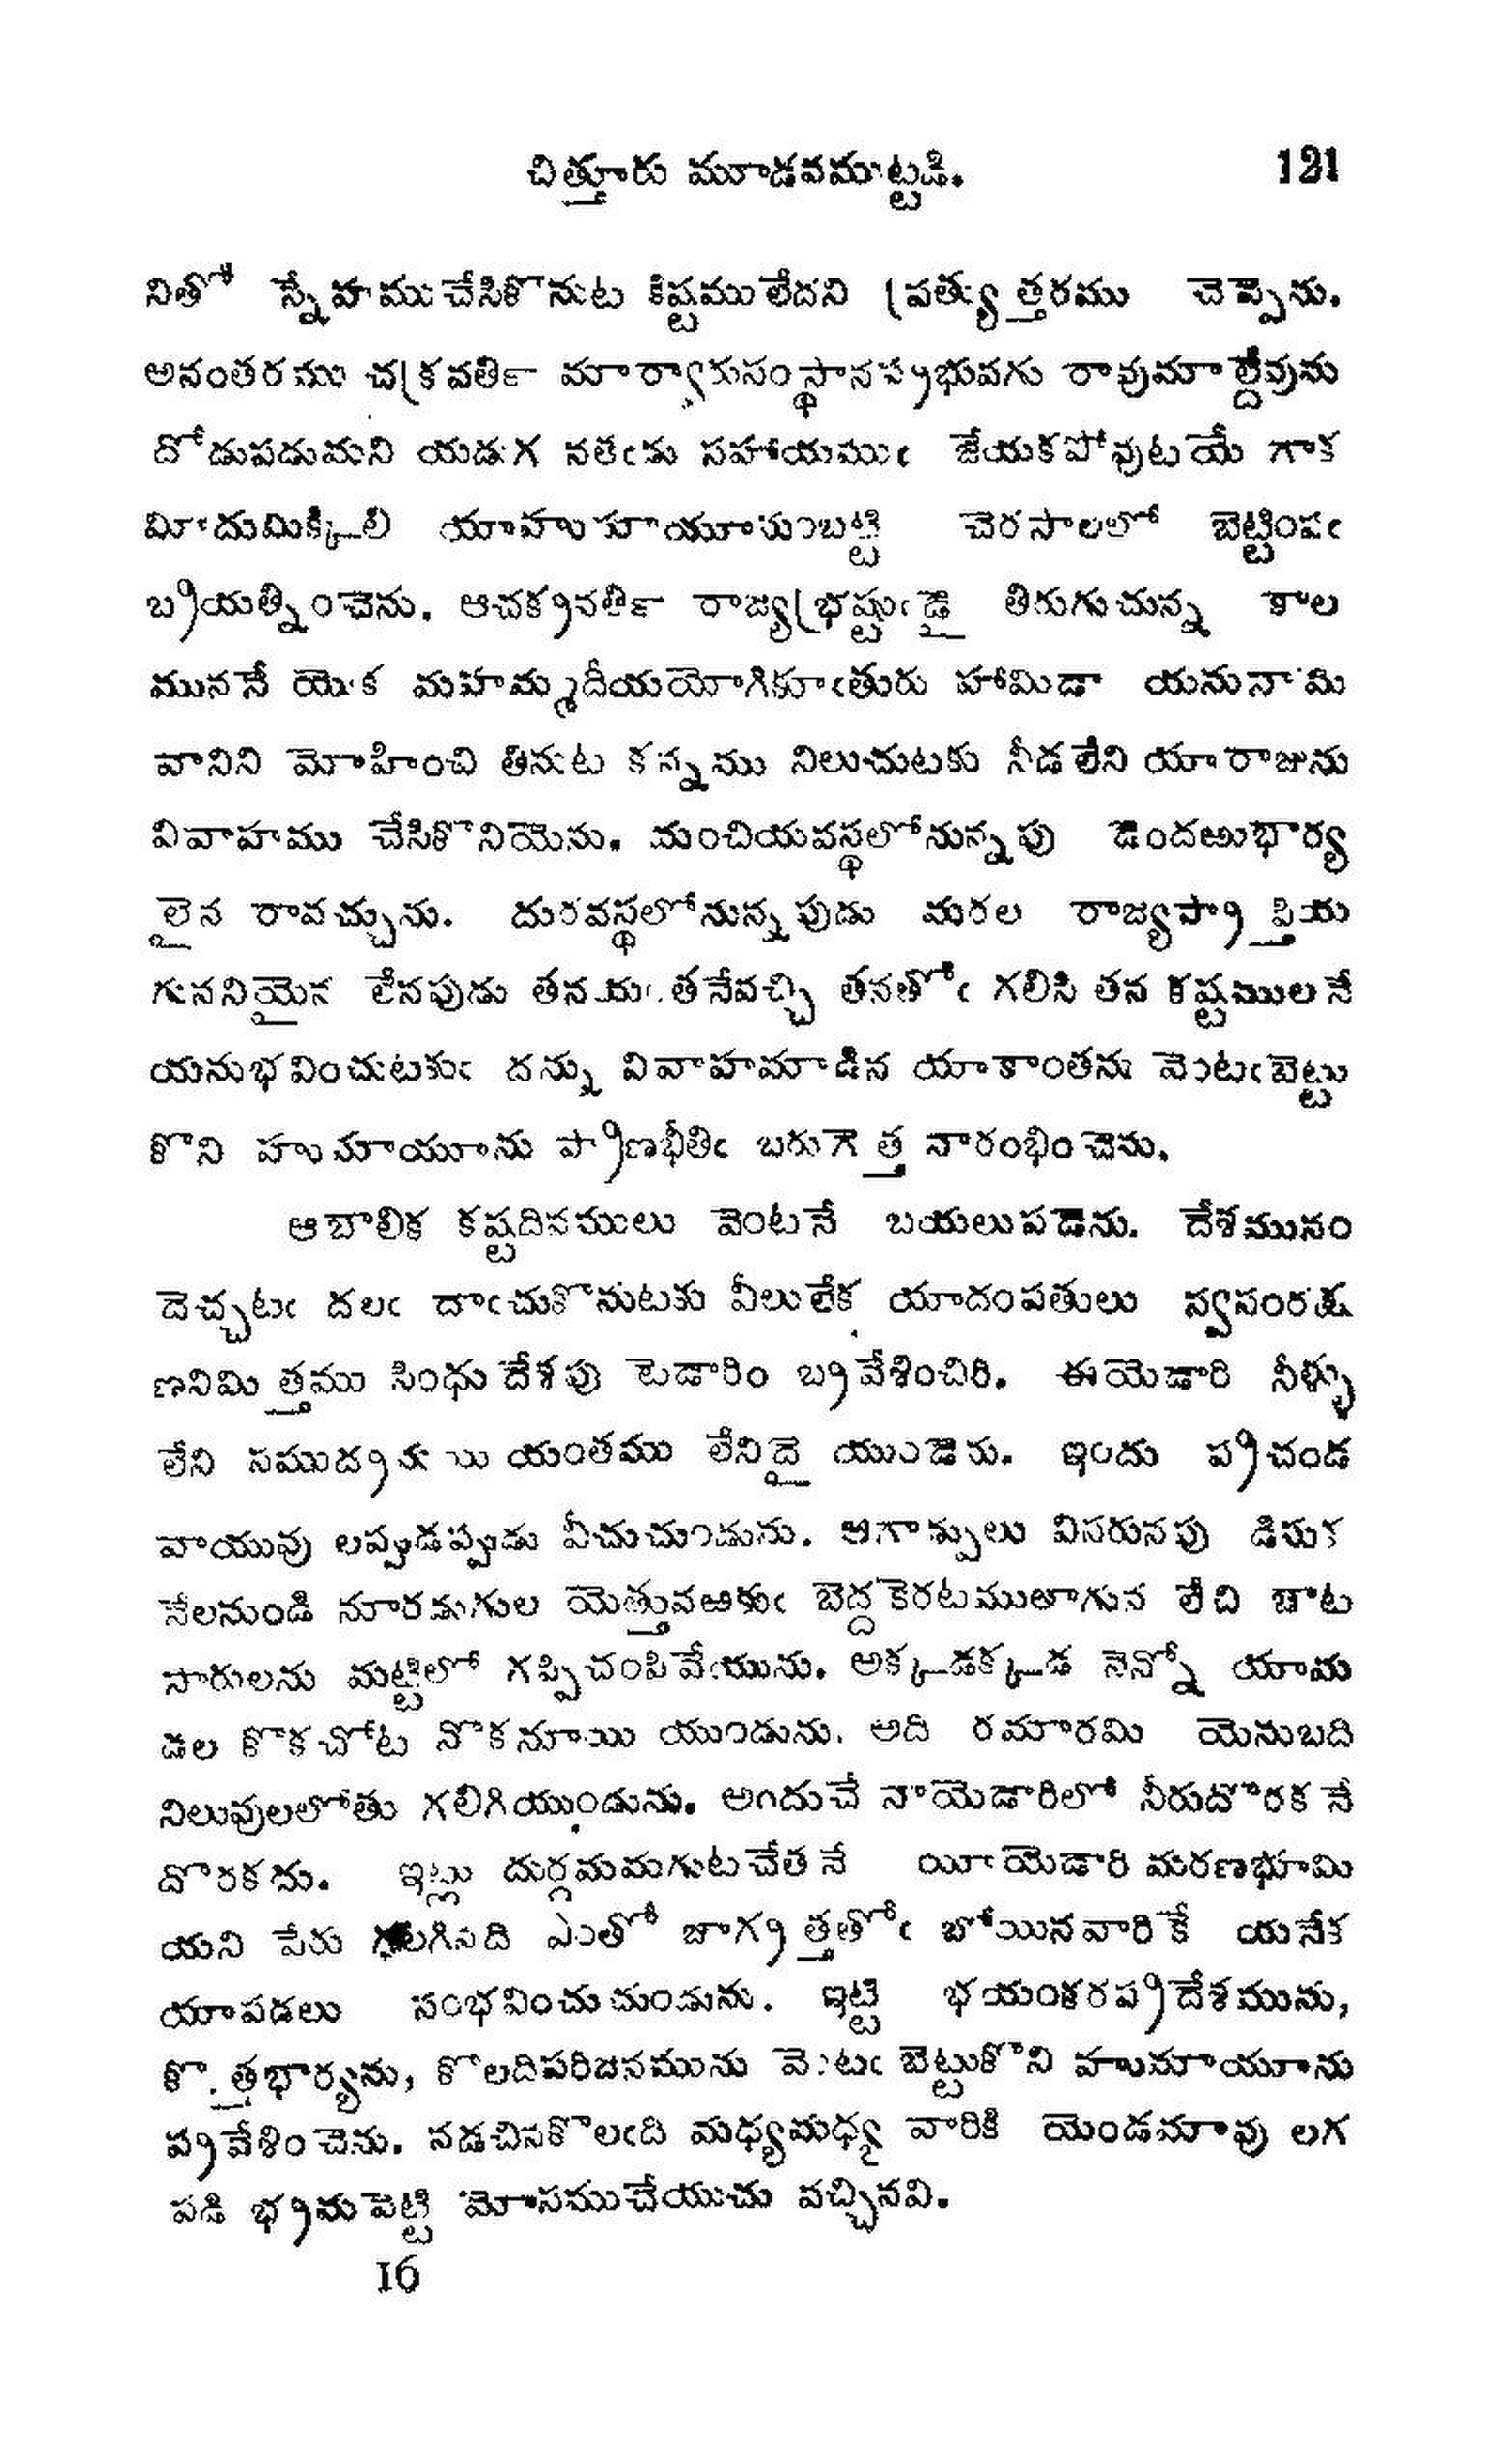నితో స్నేహము చేసికొనుట కష్టము లేదని ప్రత్యుత్తరము చెప్పెను. అనంతరము చక్రవతి౯ మార్యారు సంస్థాన ప్రభువగు రావుమాల్దీవును
దోడుపడుమని యడగ నతఁడు సహాయముఁ జేయకపోవుటయే గాక మీదుమిక్కిలి యాహుమాయూనుం బట్టి చెరసాలలో బెట్టింపఁ
బ్రయత్నించెను. ఆచక్రవతి౯ రాజ్యభ్రష్టుడై తిరుగుచున్న కాలముననే యెక మహమ్మదీయ యోగికూఁతురు హామిడా యనునామె వానిని మోహించి తినుట కన్నము నిలుచుటకు నీడలేని యారాజును వివాహము చేసికొనియెను. మంచియవస్థలోనున్నపు డెందఱు భార్యలైన రావచ్చును. దురవస్థలో నున్నపుడు మరల రాజ్యప్రాప్తియగుననియైన లేనపుడు తన యంతనేవచ్చి తనతోఁ గలిసి తన కష్టములనే
యనుభవించుటకుఁ దన్ను వివాహమాడిన యాకాంతను వెంటఁ బెట్టుకొని హుమాయూను ప్రాణభీతిఁ బగుగెత్త నారంభించెను.

ఆ బాలిక కష్టదినములు వెంటనే బయలుపడెను. దేశమునందెచ్చటఁ దలఁ దాఁచుకొనుటకు వీలు లేక యాదంపతులు స్వసంరక్షణ నిమిత్తము సింధు దేశపు జెడారిం బ్రవేశించిరి. ఈయెడారి నీళ్ళు లేని సముద్రమయి యంతము లేనిదై యుండెను. ఇందు ప్రచండ
వాయువు లప్పుడప్పుడు వీచుచుండును. ఆగాడ్పులు విసరునపు డిసుక నేలనుండి నూరుగుల యెత్తువరకుఁ బెద్ద కెరటములాగున లేచి బాట
సారులను మట్టిలో గప్పి చంపి వేయును. అక్కడక్కడ నెన్నో యామడల కొకచోట నొకనూయి యుండును. అది రమారమి యెనుబది
నిలువులలోతు గలిగియుండును. అందుచే నాయెడారిలో నీరుదొరకనే దొరకదు. ఇట్లు దుర్గమమగుట చేతనే యీ యెడారి మరణభూమి
యని పేరు గలగినది ఎంతో జాగ్రత్తతోఁ బోయిన వారికే యనేక యాపదలు సంభవించు చుండును. ఇట్టి భయంకరప్రదేశమును,కోత్తభార్యను, కోలది పరిజనమును వెంటఁ బెట్టుకొని హుమాయూను ప్రవేశించెను. నడచిన కొలఁది మధ్య మధ్య వారికి యెండమావు లగపడి బ్రమ పెట్టి మోసముచేయుచు వచ్చినవి.